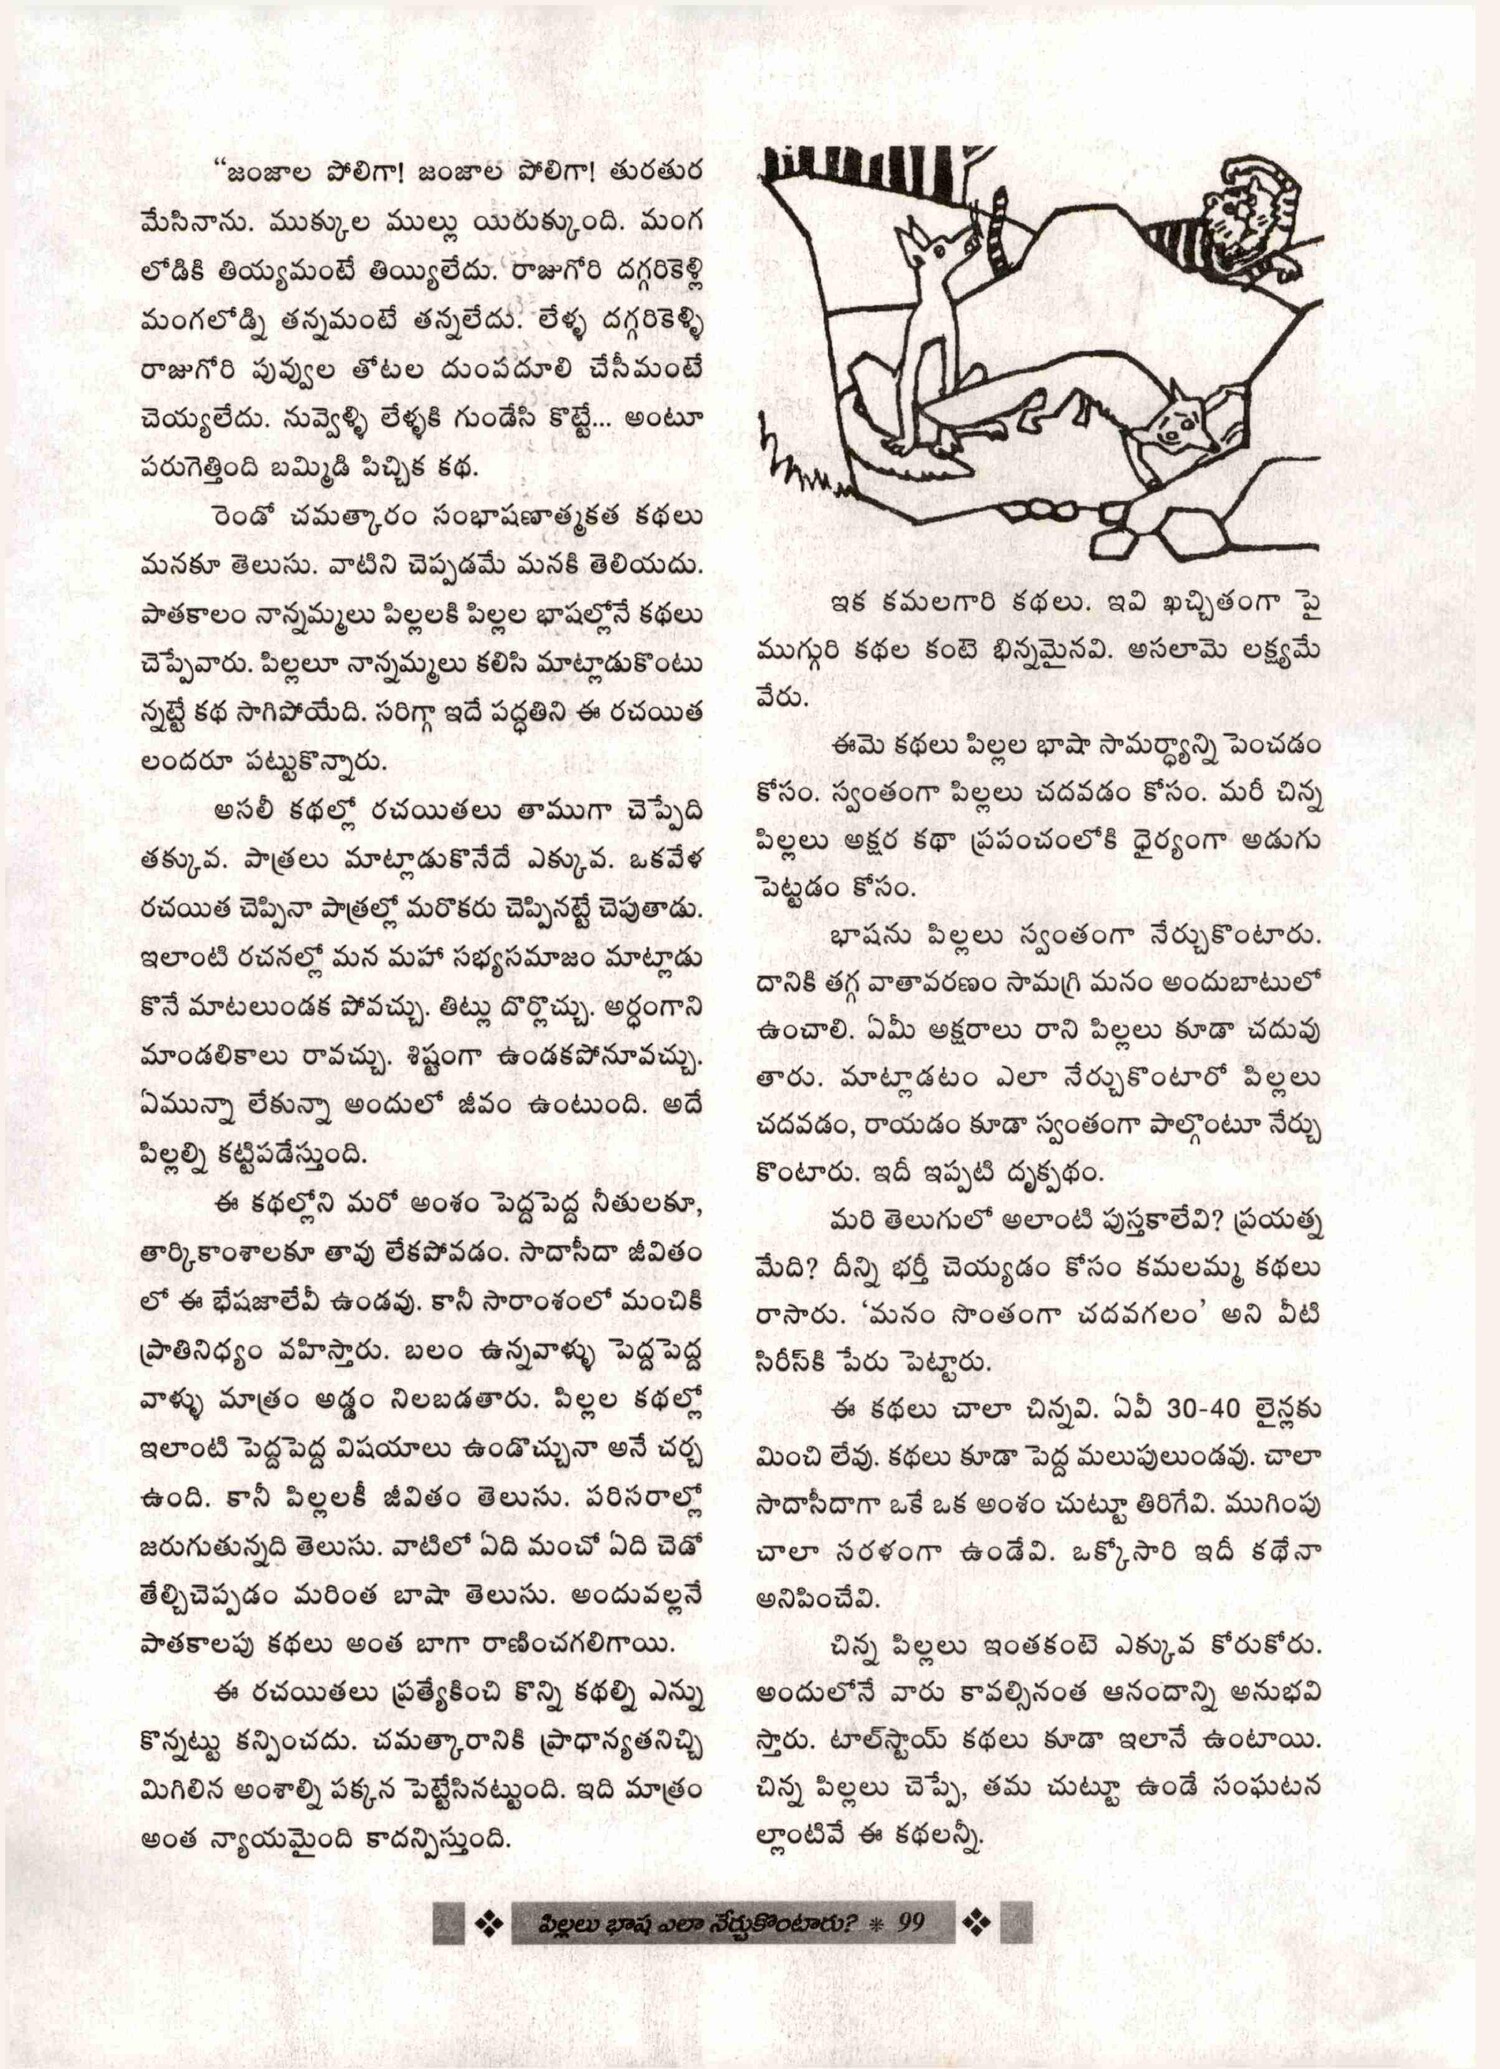"జంజాల పోలిగా! జంజాల పోలిగా! తురతుర మేసినాను. ముక్కుల ముల్లు యిరుక్కుంది. మంగలోడికి తియ్యమంటే తియ్యిలేదు. రాజుగోరి దగ్గరికెళ్లి మంగలోడ్ని తన్నమంటే తన్నలేదు. లేళ్ళ దగ్గరికెళ్ళి రాజుగోరి పువ్వుల తోటల దుంపదూలి చేసీమంటే చెయ్యలేదు. నువ్వెళ్ళి లేళ్ళకి గుండేసి కొట్టే... అంటూ పరుగెత్తింది బమ్మిడి పిచ్చిక కథ.

రెండో చమత్కారం సంభాషణాత్మకత కథలు మనకూ తెలుసు. వాటిని చెప్పడమే మనకి తెలియదు. పాతకాలం నాన్నమ్మలు పిల్లలకి పిల్లల భాషల్లోనే కథలు చెప్పేవారు. పిల్లలూ నాన్నమ్మలు కలిసి మాట్లాడుకొంటున్నట్టే కథ సాగిపోయేది. సరిగ్గా ఇదే పద్ధతిని ఈ రచయిత లందరూ పట్టుకొన్నారు.

అసలీ కథల్లో రచయితలు తాముగా చెప్పేది తక్కువ. పాత్రలు మాట్లాడుకొనేదే ఎక్కువ. ఒకవేళ రచయిత చెప్పినా పాత్రల్లో మరొకరు చెప్పినట్టే చెపుతాడు. ఇలాంటి రచనల్లో మన మహా సభ్యసమాజం మాట్లాడుకొనే మాటలుండక పోవచ్చు. తిట్లు దొర్లొచ్చు. అర్ధంగాని మాండలికాలు రావచ్చు. శిష్టంగా ఉండకపోనూవచ్చు. ఏమున్నా లేకున్నా అందులో జీవం ఉంటుంది. అదే పిల్లల్ని కట్టిపడేస్తుంది.

ఈ కథల్లోని మరో అంశం పెద్ద పెద్ద నీతులకూ, తార్కికాంశాలకూ తావు లేకపోవడం. సాదాసీదా జీవితంలో ఈ భేషజాలేవీ ఉండవు. కానీ సారాంశంలో మంచికి ప్రాతినిధ్యం వహిస్తారు. బలం ఉన్నవాళ్ళు పెద్దపెద్ద వాళ్ళు మాత్రం అడ్డం నిలబడతారు. పిల్లల కథల్లో ఇలాంటి పెద్దపెద్ద విషయాలు ఉండొచ్చునా అనే చర్చ ఉంది. కానీ పిల్లలకీ జీవితం తెలుసు. పరిసరాల్లో జరుగుతున్నది తెలుసు. వాటిలో ఏది మంచో ఏది చెడో తేల్చిచెప్పడం మరింత బాషా తెలుసు. అందువల్లనే పాతకాలపు కథలు అంత బాగా రాణించగలిగాయి.

ఈ రచయితలు ప్రత్యేకించి కొన్ని కథల్ని ఎన్నుకొన్నట్టు కన్పించదు. చమత్కారానికి ప్రాధాన్యతనిచ్చి మిగిలిన అంశాల్ని పక్కన పెట్టేసినట్టుంది. ఇది మాత్రం అంత న్యాయమైంది కాదన్పిస్తుంది.

ఇక కమలగారి కథలు. ఇవి ఖచ్చితంగా పై ముగ్గురి కథల కంటె భిన్నమైనవి. అసలామె లక్ష్యమే వేరు.

ఈమె కథలు పిల్లల భాషా సామర్ధ్యాన్ని పెంచడం కోసం. స్వంతంగా పిల్లలు చదవడం కోసం. మరీ చిన్న పిల్లలు అక్షర కథా ప్రపంచంలోకి ధైర్యంగా అడుగుపెట్టడం కోసం.

భాషను పిల్లలు స్వంతంగా నేర్చుకొంటారు. దానికి తగ్గ వాతావరణం సామగ్రి మనం అందుబాటులో ఉంచాలి. ఏమీ అక్షరాలు రాని పిల్లలు కూడా చదువుతారు. మాట్లాడటం ఎలా నేర్చుకొంటారో పిల్లలు చదవడం, రాయడం కూడా స్వంతంగా పాల్గొంటూ నేర్చుకొంటారు. ఇదీ ఇప్పటి దృక్పథం.

మరి తెలుగులో అలాంటి పుస్తకాలేవి? ప్రయత్న మేది? దీన్ని భర్తీ చెయ్యడం కోసం కమలమ్మ కథలు రాసారు. 'మనం సొంతంగా చదవగలం' అని వీటి సిరీస్‌కి పేరు పెట్టారు.

ఈ కథలు చాలా చిన్నవి. ఏవీ 30-40 లైన్లకు మించి లేవు. కథలు కూడా పెద్ద మలుపులుండవు. చాలా సాదాసీదాగా ఒకే ఒక అంశం చుట్టూ తిరిగేవి. ముగింపు చాలా సరళంగా ఉండేవి. ఒక్కోసారి ఇదీ కథేనా అనిపించేవి.

చిన్న పిల్లలు ఇంతకంటె ఎక్కువ కోరుకోరు. అందులోనే వారు కావల్సినంత ఆనందాన్ని అనుభవిస్తారు. టాల్‌స్టాయ్ కథలు కూడా ఇలానే ఉంటాయి. చిన్న పిల్లలు చెప్పే, తమ చుట్టూ ఉండే సంఘటన ల్లాంటివే ఈ కథలన్నీ.